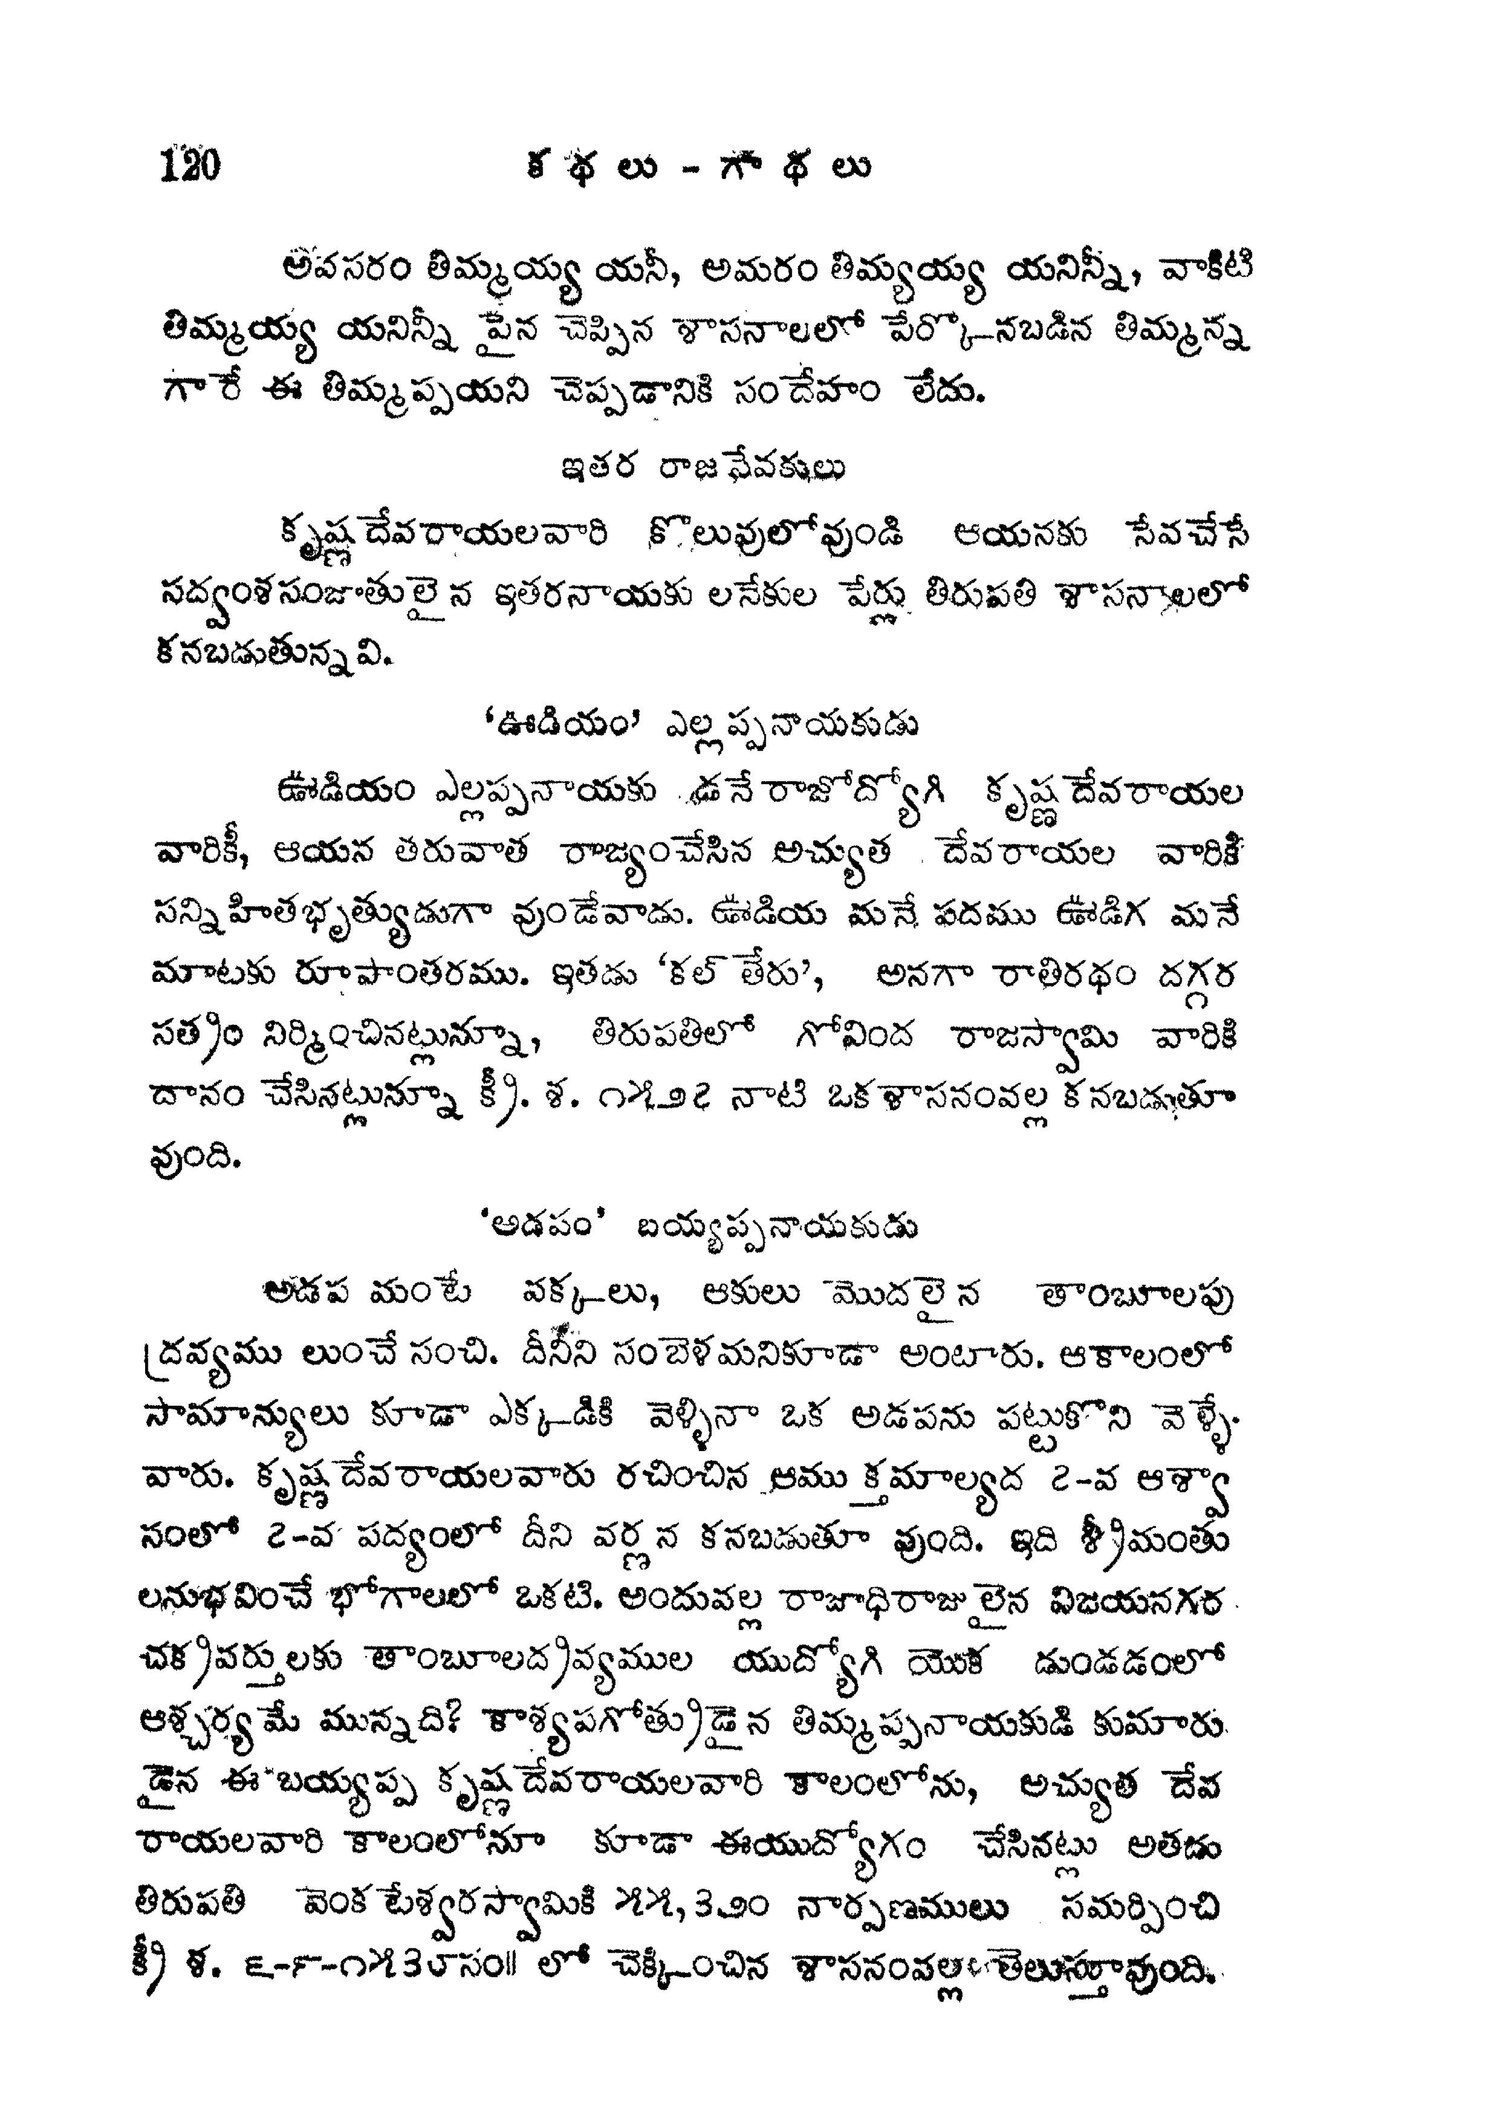అవసరం తిమ్మయ్య యనీ, అమరం తిమ్మయ్య యనిన్నీ, వాకిటి తిమ్మయ్య యనిన్నీ పైన చెప్పిన శాసనాలలో పేర్కొనబడిన తిమ్మన్న గారే ఈ తిమ్మప్పయని చెప్పడానికి సందేహము లేదు.

కృష్ణదేవరాయలవారి కొలువులోవుండి ఆయనకు సేవచేసే సద్వంశసంజాతులైన ఇతరనాయకులనేకుల పేర్లు తిరుపతి శాననాలలో కనబడుతున్నవి.

ఊడియం ఎల్లప్పనాయకుడు డనే రాజొద్యోగి కృష్ణదేవరాయల వారికీ, ఆయన తరువాత రాజ్యంచేసిన అచ్యుత దేవరాయల వారికి సన్నిహితభృత్యుడుగా వుండేవారు. ఊడియ మనే పదము ఊడిగ మనే మాటకు రూపాంతరము. ఇతడు 'కల్ తేరు ' అనగా రాతిరధం దగ్గర సత్రం నిర్మించినట్లున్నూ, తిరుపతిలో గోవింద రాజస్వామి వారికి దానం చేసినట్లున్నూ క్రీ.శ.1527 నాటి ఒకశాసనంవల్ల కనబడుతూ వుంది.

అడప మంటే వక్కలు, ఆకులు మొదలైన తాంబూలపు ద్రవ్యము లుంచే సంచి దీనిని సంబెళమనికూడా అంటారు. ఆకాలంలో సామాన్యులు కూడా ఎక్కడికి వెళ్ళినా ఒక అడపను పట్టుకొనివెళ్ళేవారు. కృష్ణదేవరాయలవారు రచించిన ఆముక్తమాల్యద 7-వ ఆశ్వాసంలో 7-వ పధ్యంలో దీని వర్ణన కనబడుతూ వుంది. ఇది శ్రీమంతులనుభవించే భోగాలలో ఒకటి. అందువల్ల రాజాధిరాజులైన విజయనగర చక్రవర్తులకు తాంబూలద్రవ్యముల యుద్యోగి యొక డుండుడంలో ఆశ్చర్యమేమున్నది? కాశ్యపగోత్రుడైన తిమ్మప్పనాయకుడి కుమారుడైన ఈ బయ్యప్ప కృష్ణదేవరాయలవారి కాలంలోను, అచ్యుత దేవరాయలవారి కాలంలోనూ కూడా ఈయుద్యోగం చేసినట్లు అతడు తిరుపతి వెంకటేశ్వరస్వామికి 55,320 నార్పణములు సమర్పించి క్రీ.శ. 6-9-1538 సం॥ లో చెక్కించిన శాసనం వల్ల తెలుస్తూవుంది.